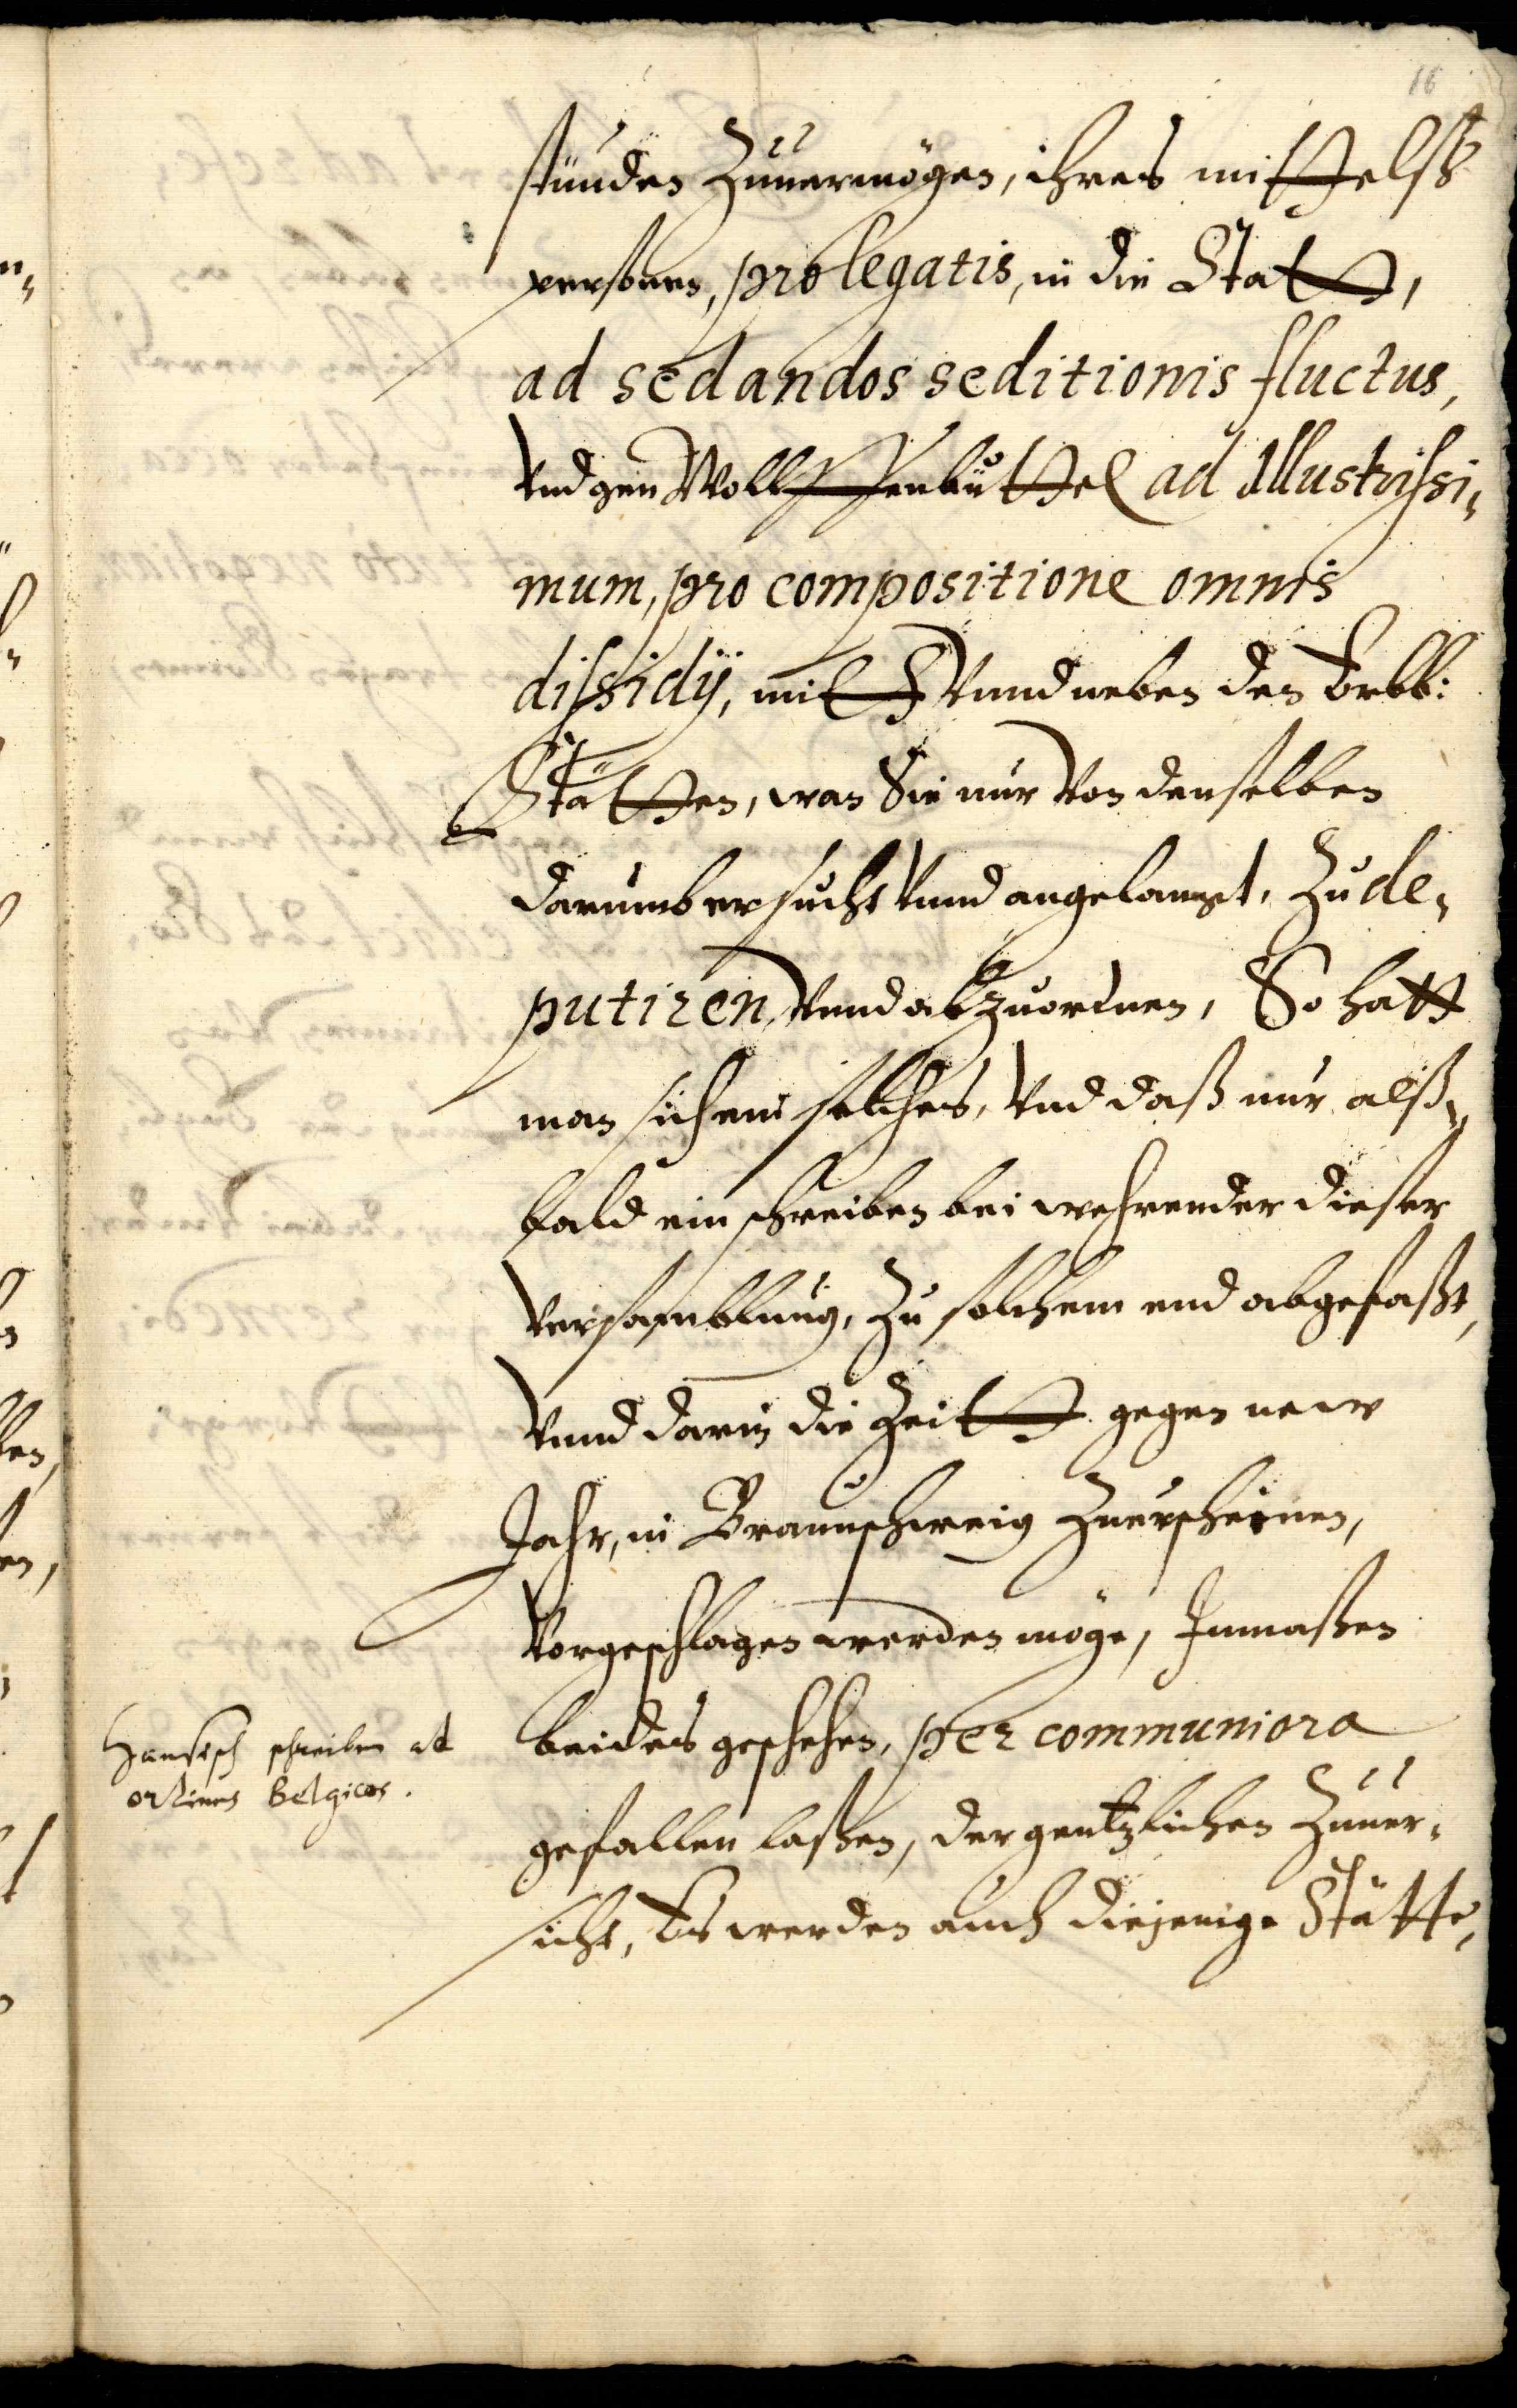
Hansisch schreiben ad
ordines Belgicas
stünden Zuuermögen, ihres mittelß
personen, pro legatis, in die Statt,
ad sedandos seditionis fluctus,
Vnd gen Wollffenbüttel ad Illustrissi¬
mum, pro compositione omnis
dissidij, mitt Vnnd neben den Erbb:
Stätten, wan Sie nur Von denselben
darumb ersucht Vnnd angelanget, zu de¬
putiren Vnnd abzuordnen, So hatt
man sich ein solches, Vnd daß nur alß¬
bald ein schreiben bei wehrender dieser
Versamblung, Zu solchem end abgefaßt,
Vnnd darin die Zeitt gegen new
Jahr, in Braunschweig Zuerscheinen,
Vorgeschlagen werden möge, Inmaßen
beides geschehen, per communiora
gefallen laßen, der gentzlichen Zuuer¬
sicht, Es werden auch diejenige Stätte,
